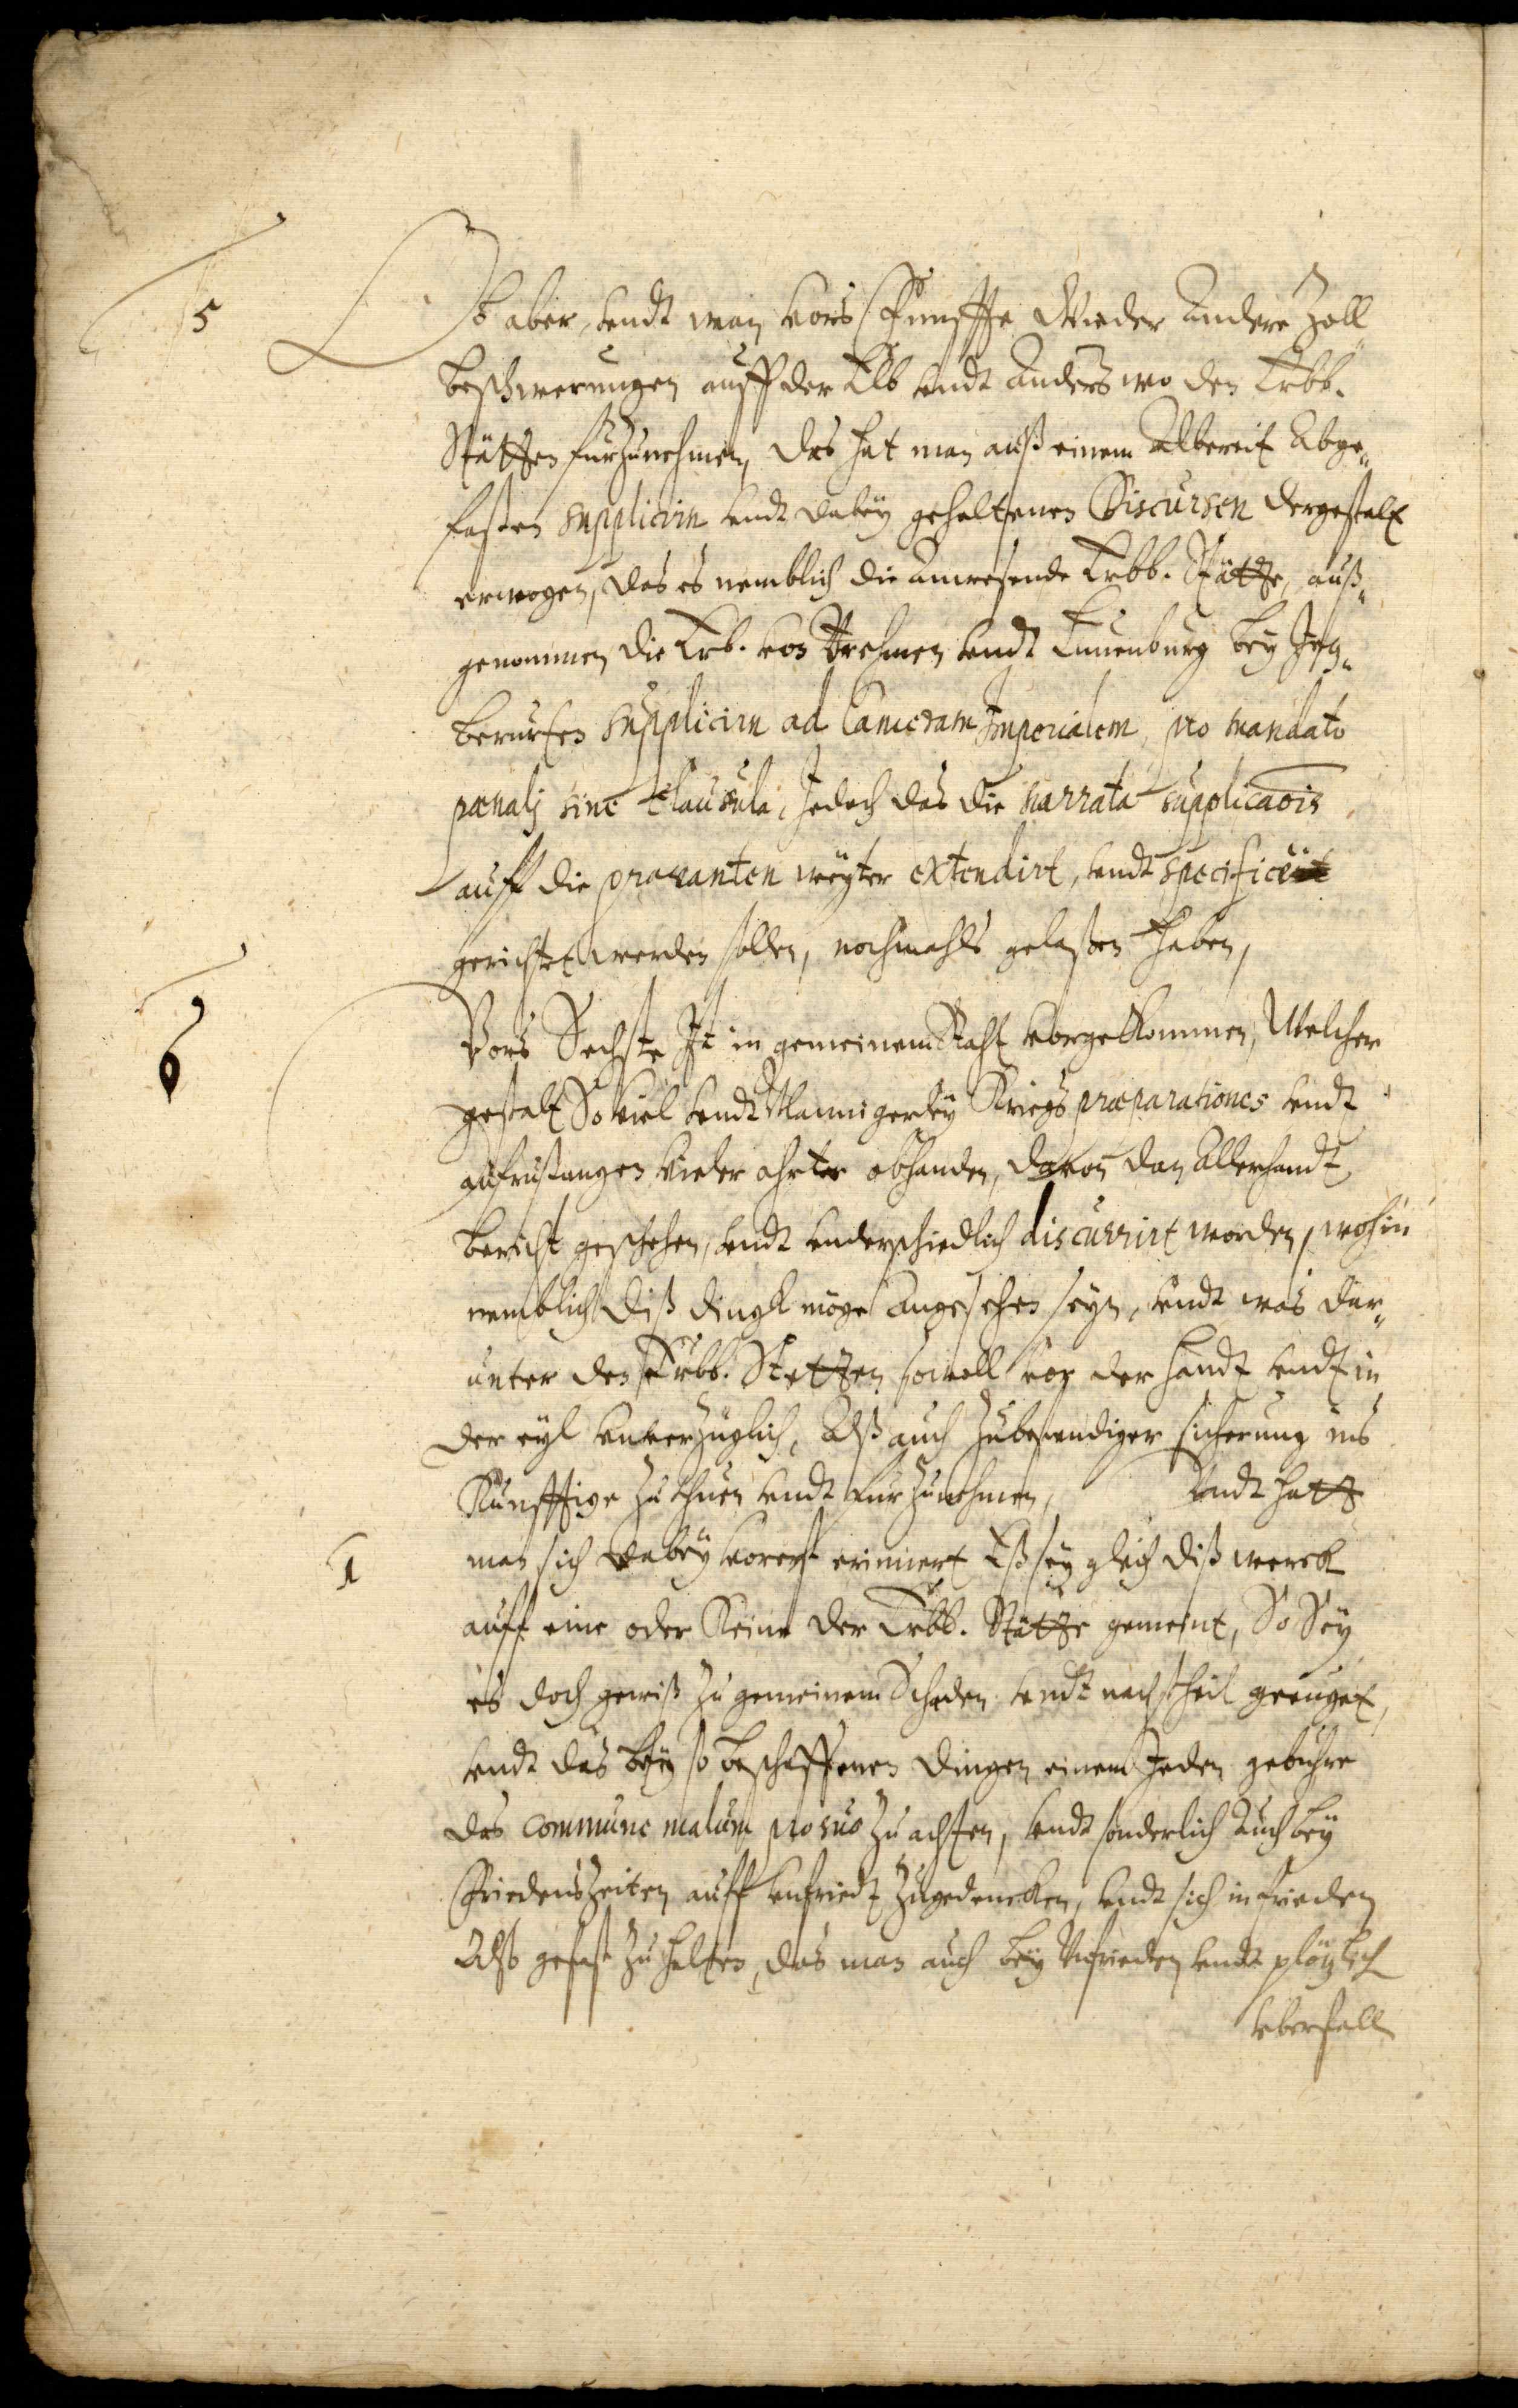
Ob aber, vndt wan vors Funffte Wieder Andere Zoll
beschwerungen auff der Elb vndt Anders wo den Erbb.
Stätten furzunehmen, das hat man auß einem Albereit Abge¬
fasten supplicirn vndt dabeij gehaltenen Discursen dergestalt
erwogen, das es nemblich die Anwesende Erbb. Stätte, auß¬
genommen die Erb. von Brehmen vndt Lunenburg beij Jetz¬
berurten supplicirn ad Cameram Imperialem, pro mandato
poenalj sine clausula, Jedoch das die narrata supplicationis
auff die gravanten weijter extendirt, vndt specificert
gerichtet werden sollen, nochmahls gelaßen haben,
Vors Sechste Ist in gemeinem Raht vorgekommen, Welcher
gestalt So viel vndt Mannigerleij Kriegs præparationes vndt
aufrustungen vieler ohrter obhanden, davon dan Allerhandt
bericht geschehen, vndt vnderschiedlich discurrirt worden, wohin
nemblich diß dingk möge Angesehen seijn, vndt was dar¬
unter den Erbb. Stetten sowoll vor der handt vndt in
der eijl vnverzüglich, Alß auch zubestendiger sicherung ins
Kunfftige zu thuen vndt furzunehmen, Vndt hatt
man sich dabeij vorerst erinnert Eß seij gleich diß werck
auff eine oder keine der Erbb. Stätte gemeint, So Seij
es doch gewiß zu gemeinem Schaden vndt nachtheil geeuget,
vndt das beij so beschaffenen dingen einem Jeden gebuhre
das commune malum pro suo zu achten, vndt sonderlich Auch beij
Friedenszeiten auff vnfriedt zugedencken, vndt sich in frieden
Also gefast zuhalten, das man auch beij Vnfrieden vndt plötzlich
vberfall
5
6
1
